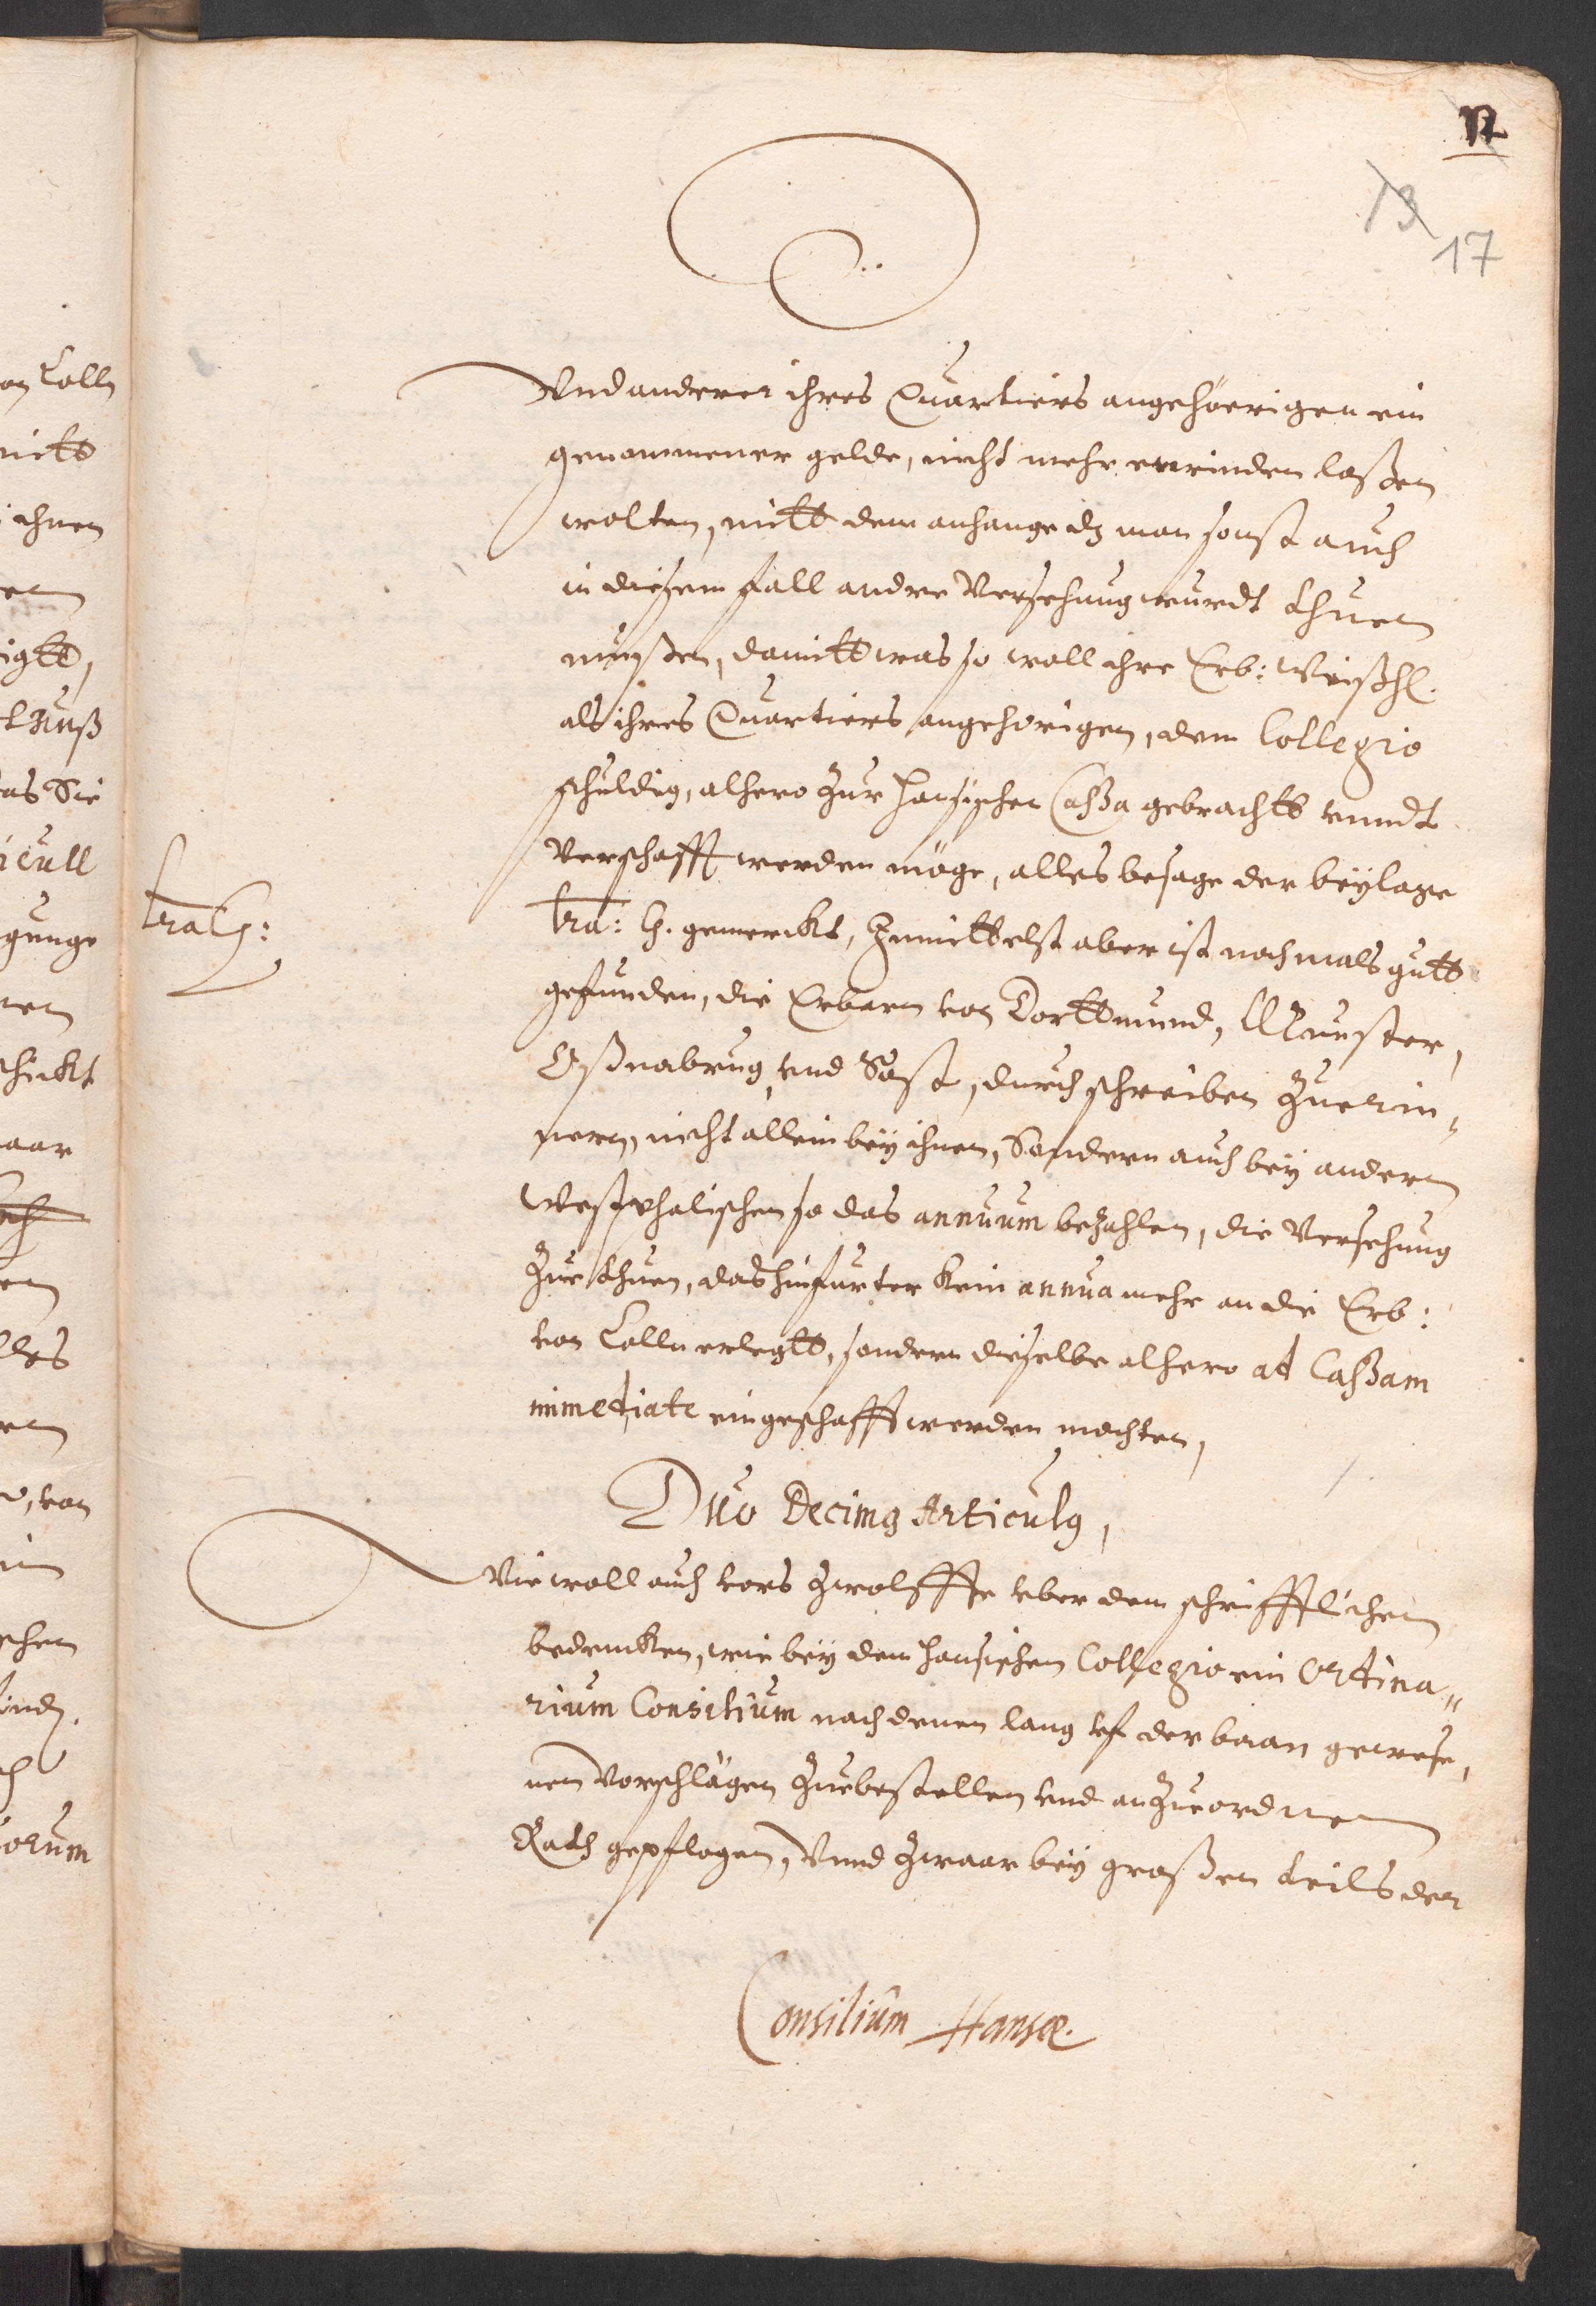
12
Vnd anderer ihres Quartiers angehöerigen ein
genommener gelde, nichts mehr erwinden laßen
wolten, mitt dem anhange das man sonst auch
in diesem fall andre versehung wurdt thuen
mußen, damitt was so woll ihre Erb: Weißhl:
als ihres Quartiers angehorigen, dem Collegio
schuldig, alhero zur hansischen Cassa gebrachtt vnndt
verschafft werden möge, alles besage der beijlage
littera: G. gemerckt, Jnmittelst aber ist nochmals gutt
gefunden, die Erbarn von Dorttmund, Munster,
Oßnabrug, vnd Sost, durch schreiben zuerin¬
nern, nicht allein beij ihnen, Sondern auch beij andern
Westphalischen so das annuum bezahlen, die versehung
zue thuen, das hinfurter kein annua mehr an die Erb:
von Colln erlegtt, sondern dieselbe alhero ad Cassam
immediate eingeschafft werden mochten,
Duo Decimus Articulus,
Wie woll auch vors zwolffte vber dem schrifftlichen
bedencken, wie beij dem hansischen Collegio ein Ordina¬
rium Consilium nach denen lang vf der baan gewese¬
nen Vorschlägen zuebestellen vnd anzueordnen
Rath gepflogen, Vnnd zwaar beij großen teils den
Consilium Hansae.
Littera G:
